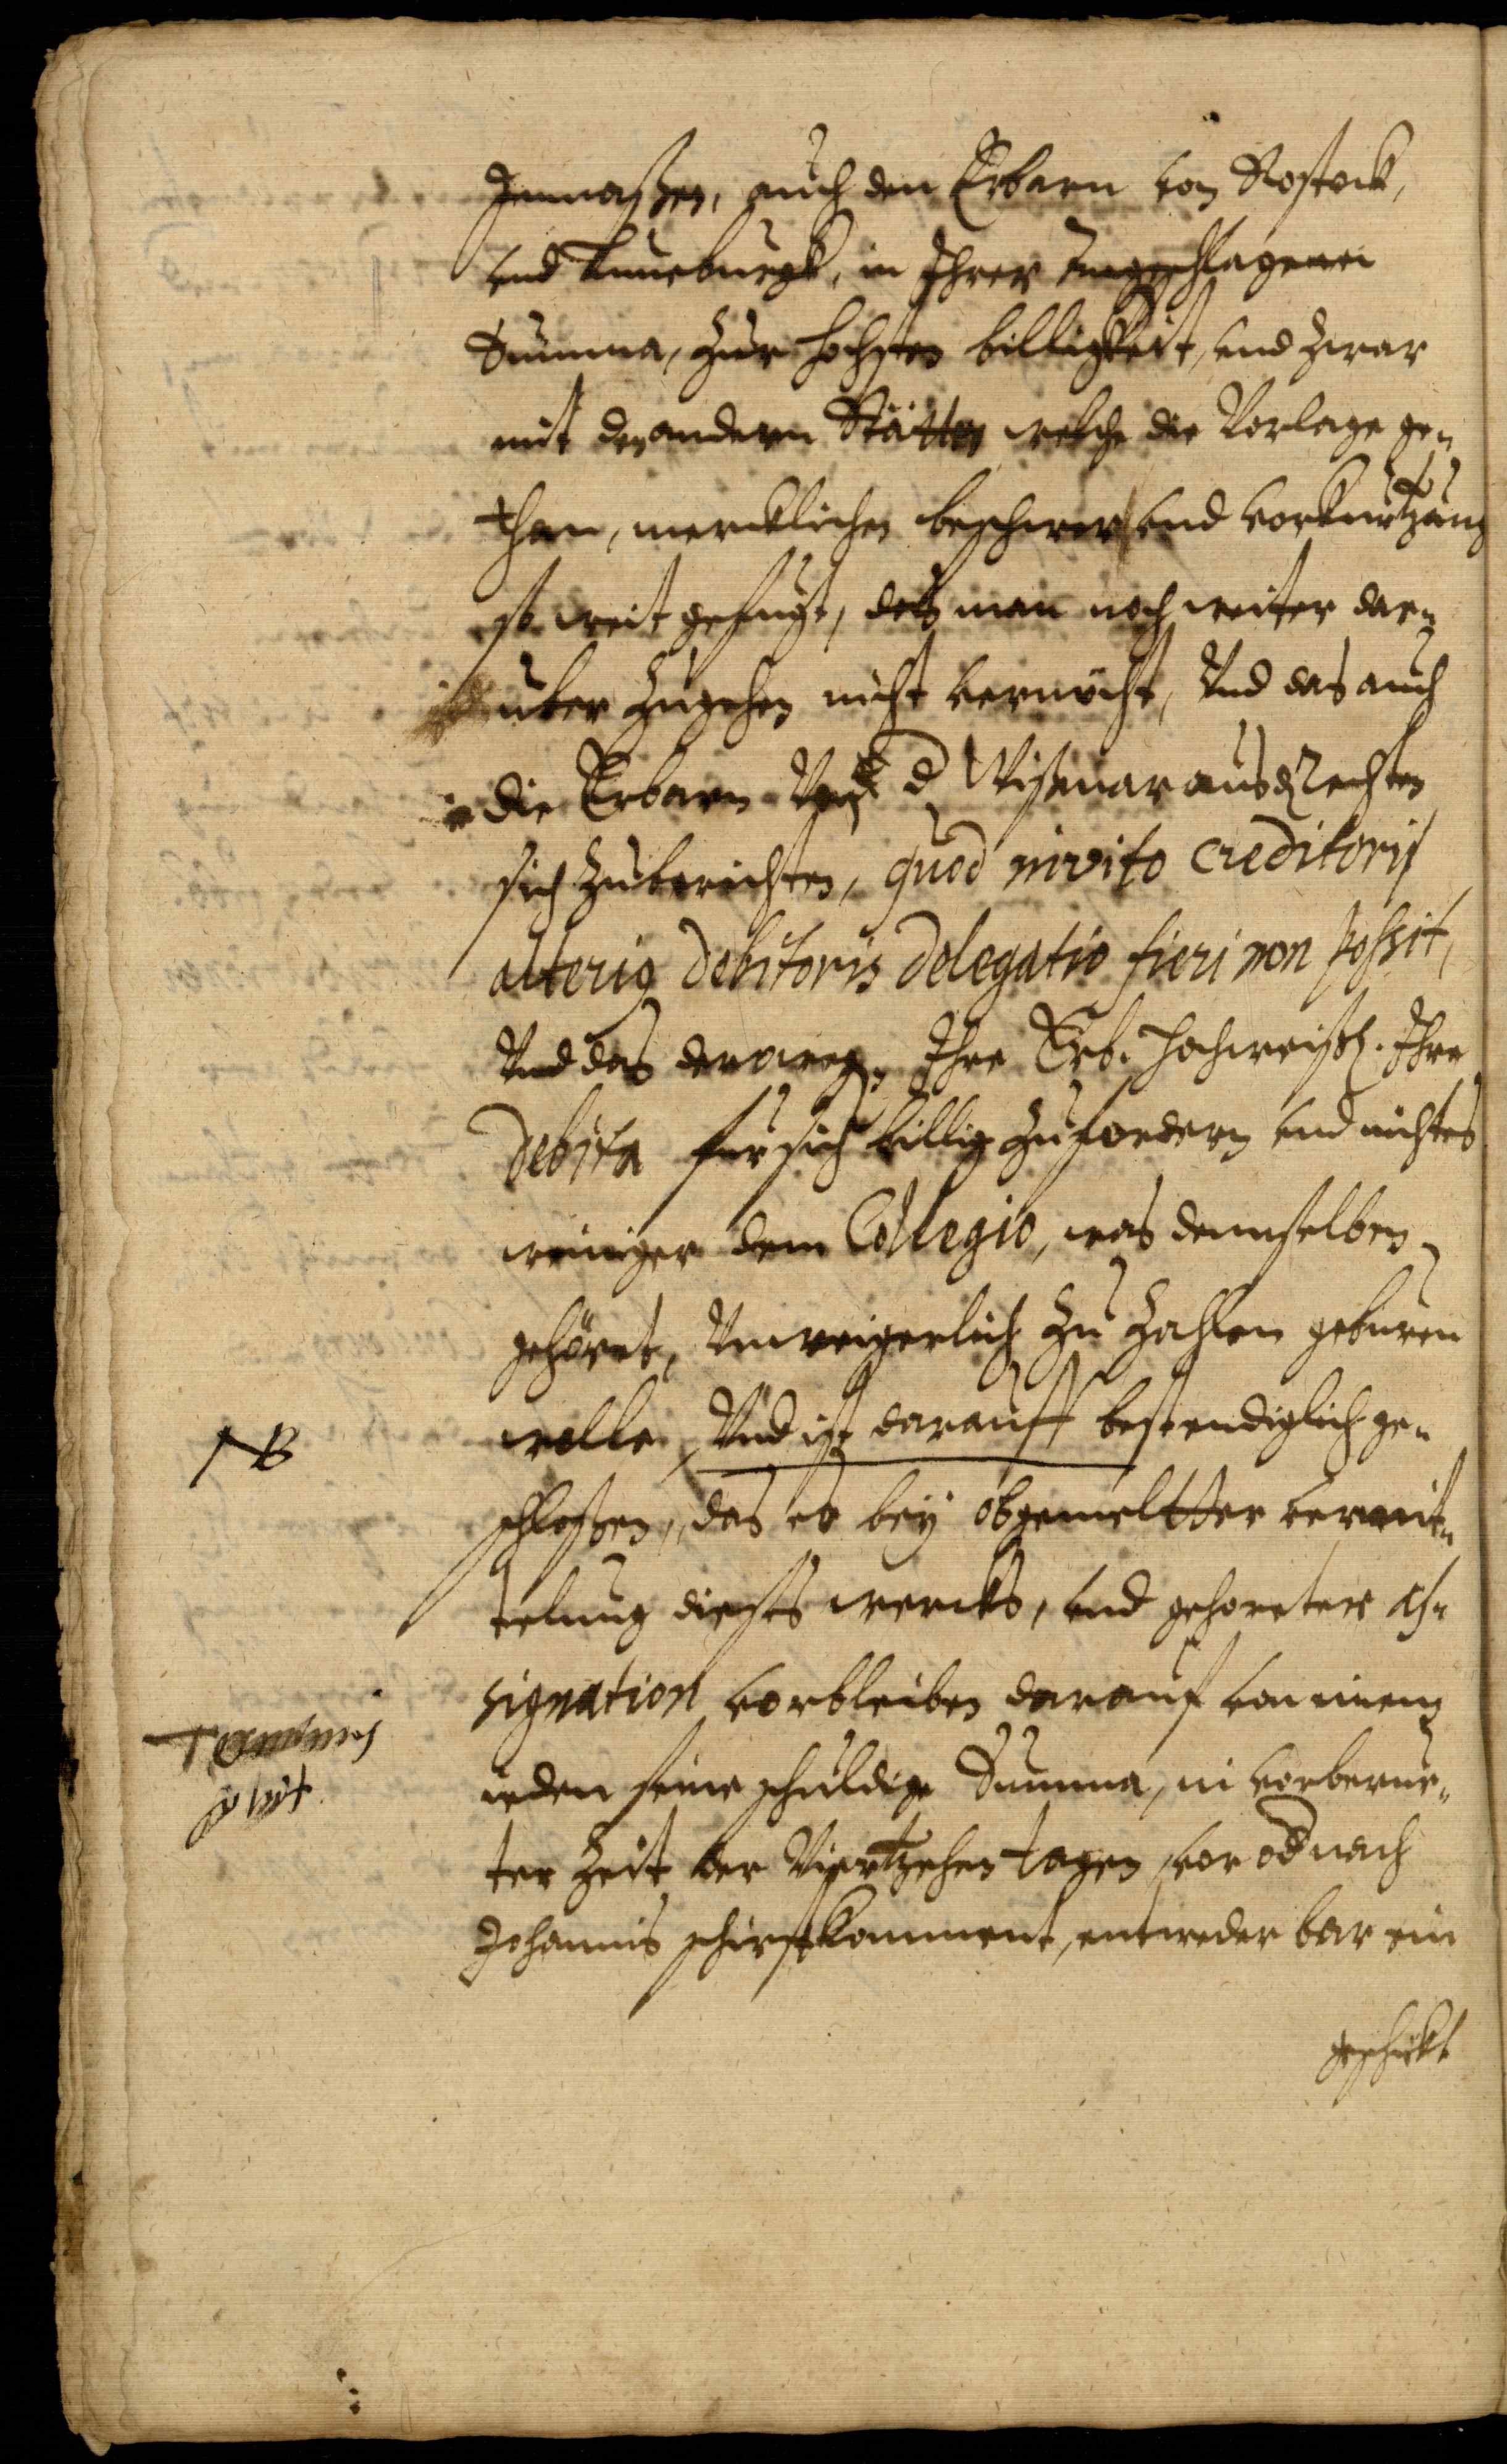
Inmaßen, auch den Erbarn von Rostock,
vnd Luneburgk, in Ihrer angeschlagener
Summa, zur hochsten billigkeit, vnd zwar
mit den andern Stätten welche die Vorlage ge¬
than, mercklichen beschwer vnd vorkurtzung
so mit gefugt, das man noch weiter dar¬
uber zugehen nicht vermöcht, vnd das auch
die Erbarn von der Wißmar aus den rechten
sich zubeweisen, quod invito creditorii
alterius debitoris delegatio fieri non possit,
vnd das derowegen, Ihre Erb. hochweiß. Ihre
debita fur sich billig zufordern vnd nichtes
weiniger dem Collegio, was demselben
gehöret, vnweigerlich zu zahlen geburen
wolle, vnd darauff bestandiglich ge¬
schloßen, das es beij obgemeltter verwant¬
telung diese wercks, vnd gehoreter as¬
signation, vorbleiben darauf von einem
ieden seine schuldige Summa, in vorberur¬
ter zeit vor viertzehen tagen vor oder nach
Johannis schirstkomment, entweder bar ein
geschickt
NB
Terminus
so hic
